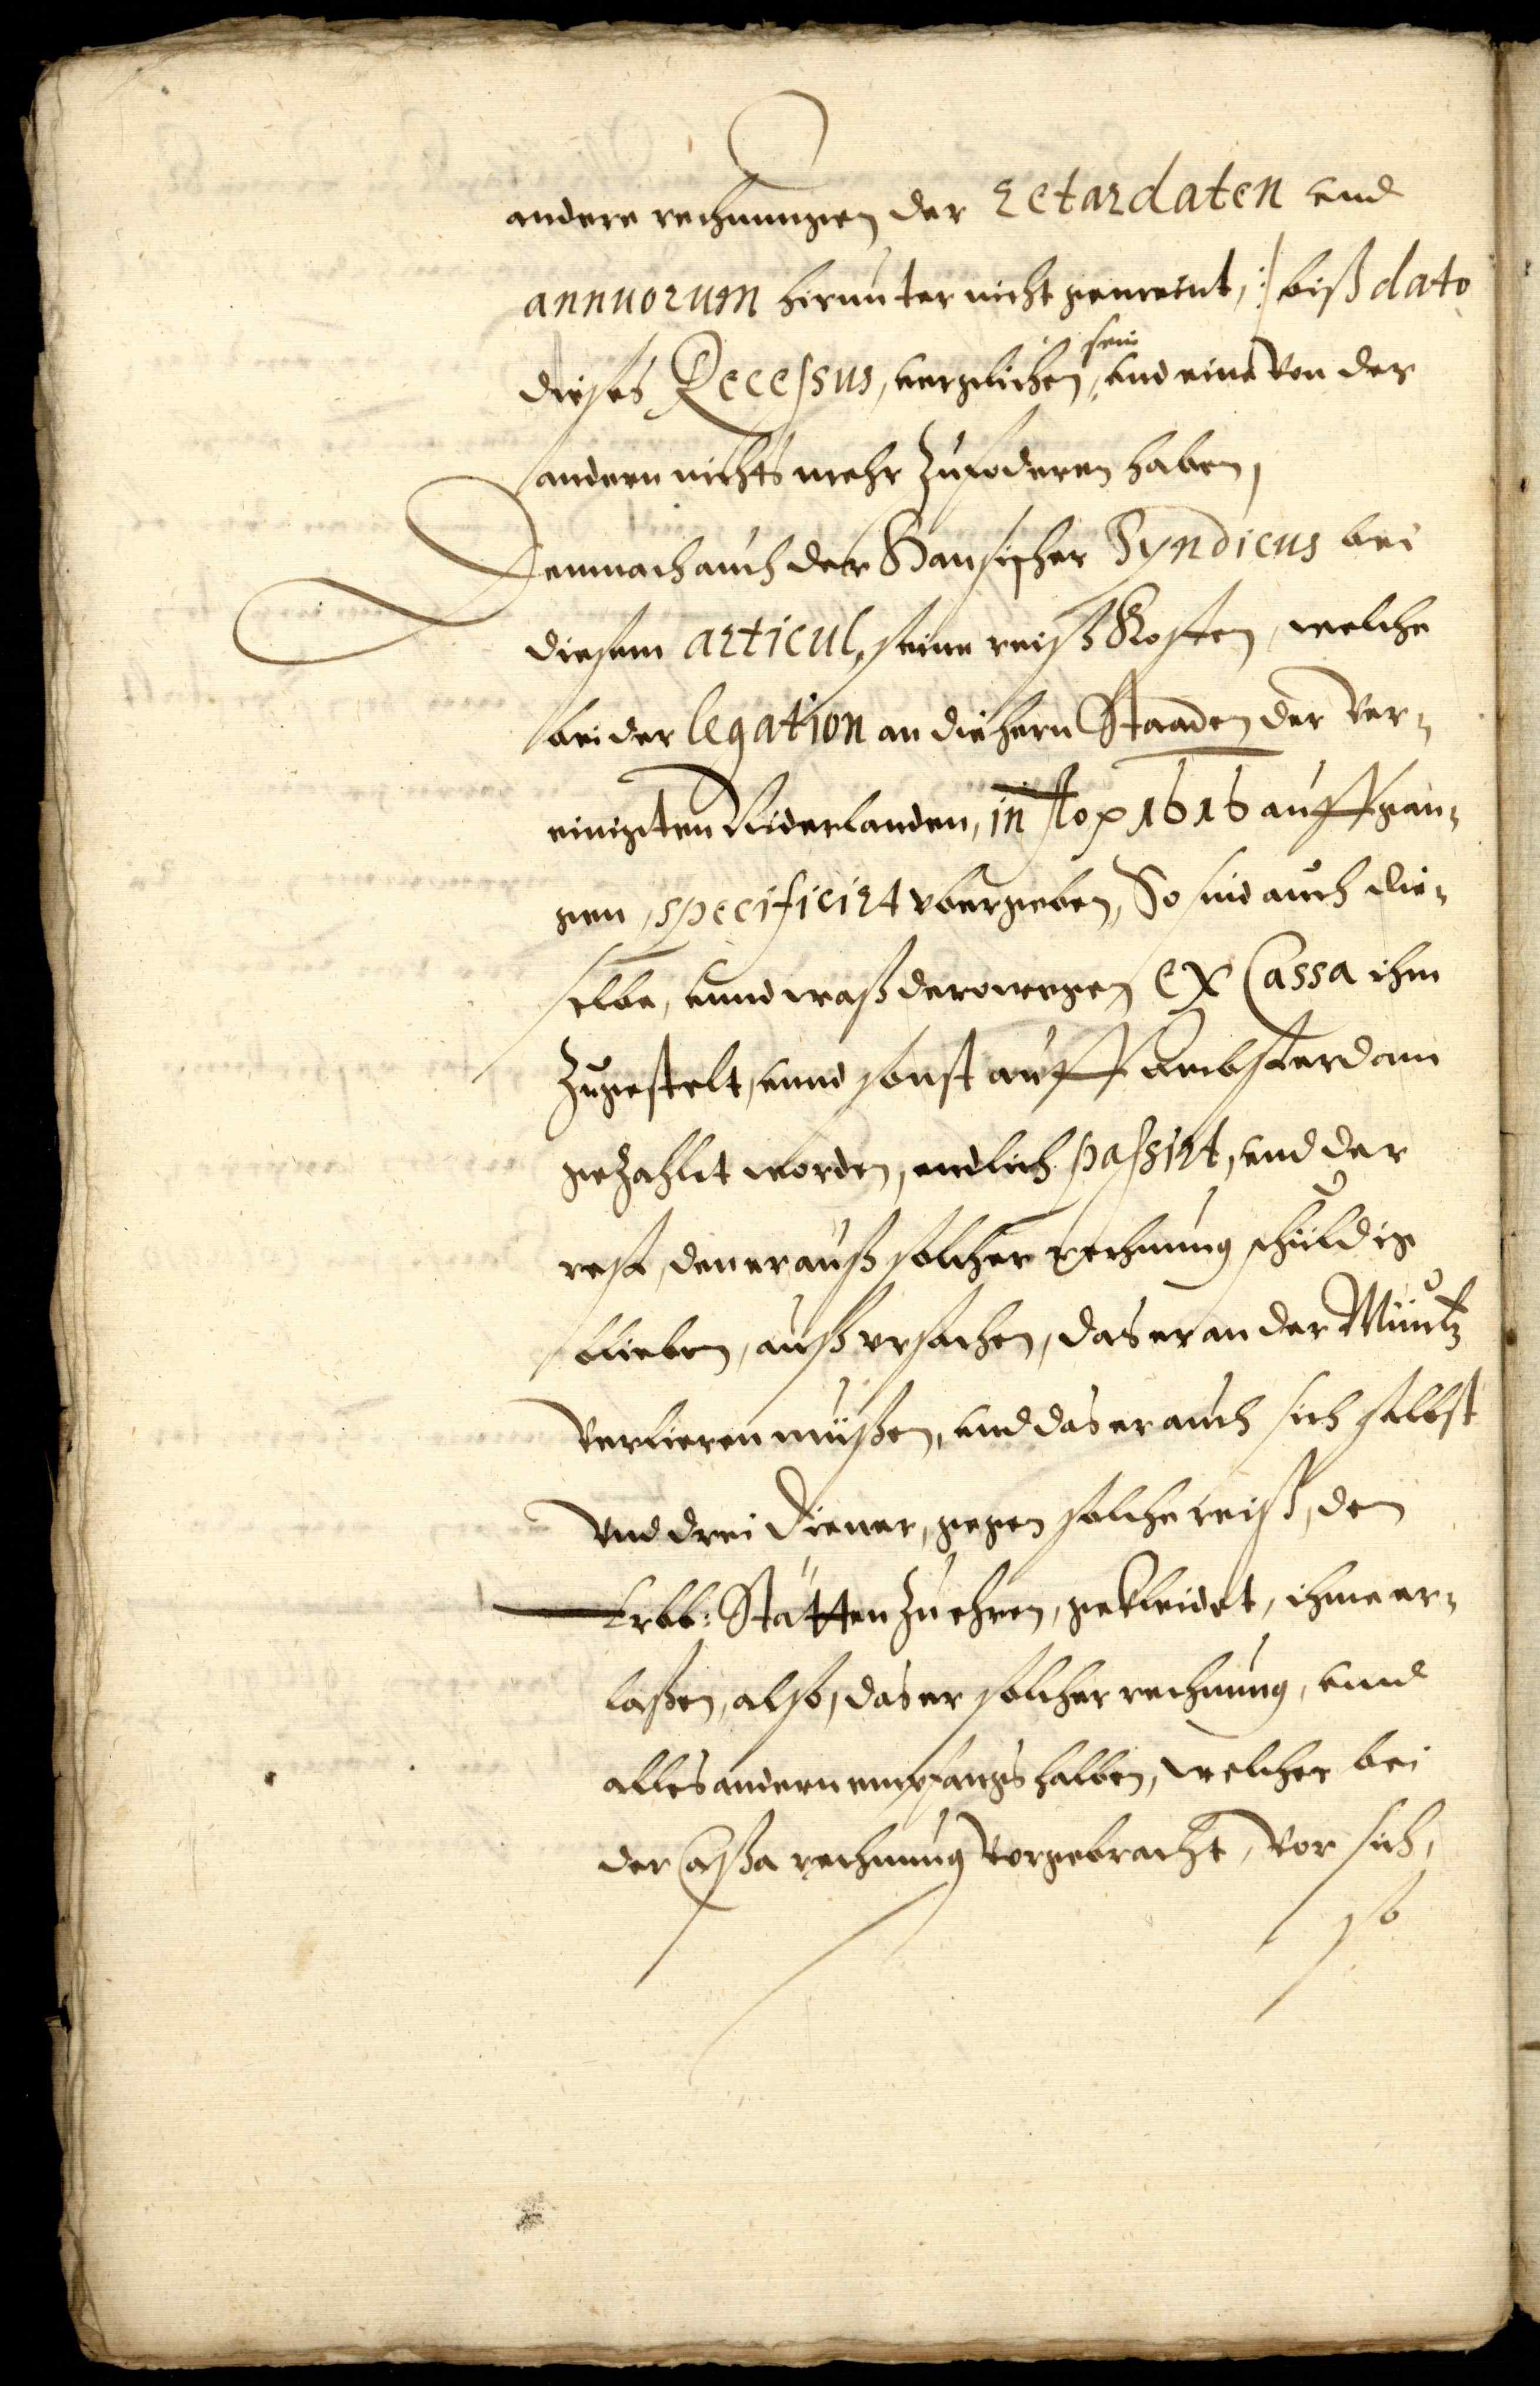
andere rechnungen der retardaten vnd
annuorum hirunter nicht gemeint, :/ biß dato
sein
dieses Recessus, verglichen * vnd eine Von der
andern nicht mehr Zufordern haben,
Demnach auch der Hansischer Syndicus bei
diesem articul, seine reißKosten, welche
bei der legation an die hern Staaden der Ver¬
einigten Niderlanden, in Ao p 1616 auffgan¬
gen, specificirt vbergeben, So sind auch die¬
selbe, vnnd waß derowegen ex Cassa ihm
zugestelt, vnnd sonst auff Ambsterdam
gezahlet worden, endlich passirt, vnd der
rest, den er auß solcher rechnung schüldig
blieben, auß vrsachen, das er an der Müntz
verlieren müßen, vnd das er auch sich selbst
Vnd drei diener, gegen solche reiß, den
Erbb: Stätten Zu ehren, gekleidet, ihme er¬
laßen, also, das er solcher rechnung, vnnd
alles andern empfangs halben, welcher bei
der Caßa rechnung vorgebracht, vor sich,
so
